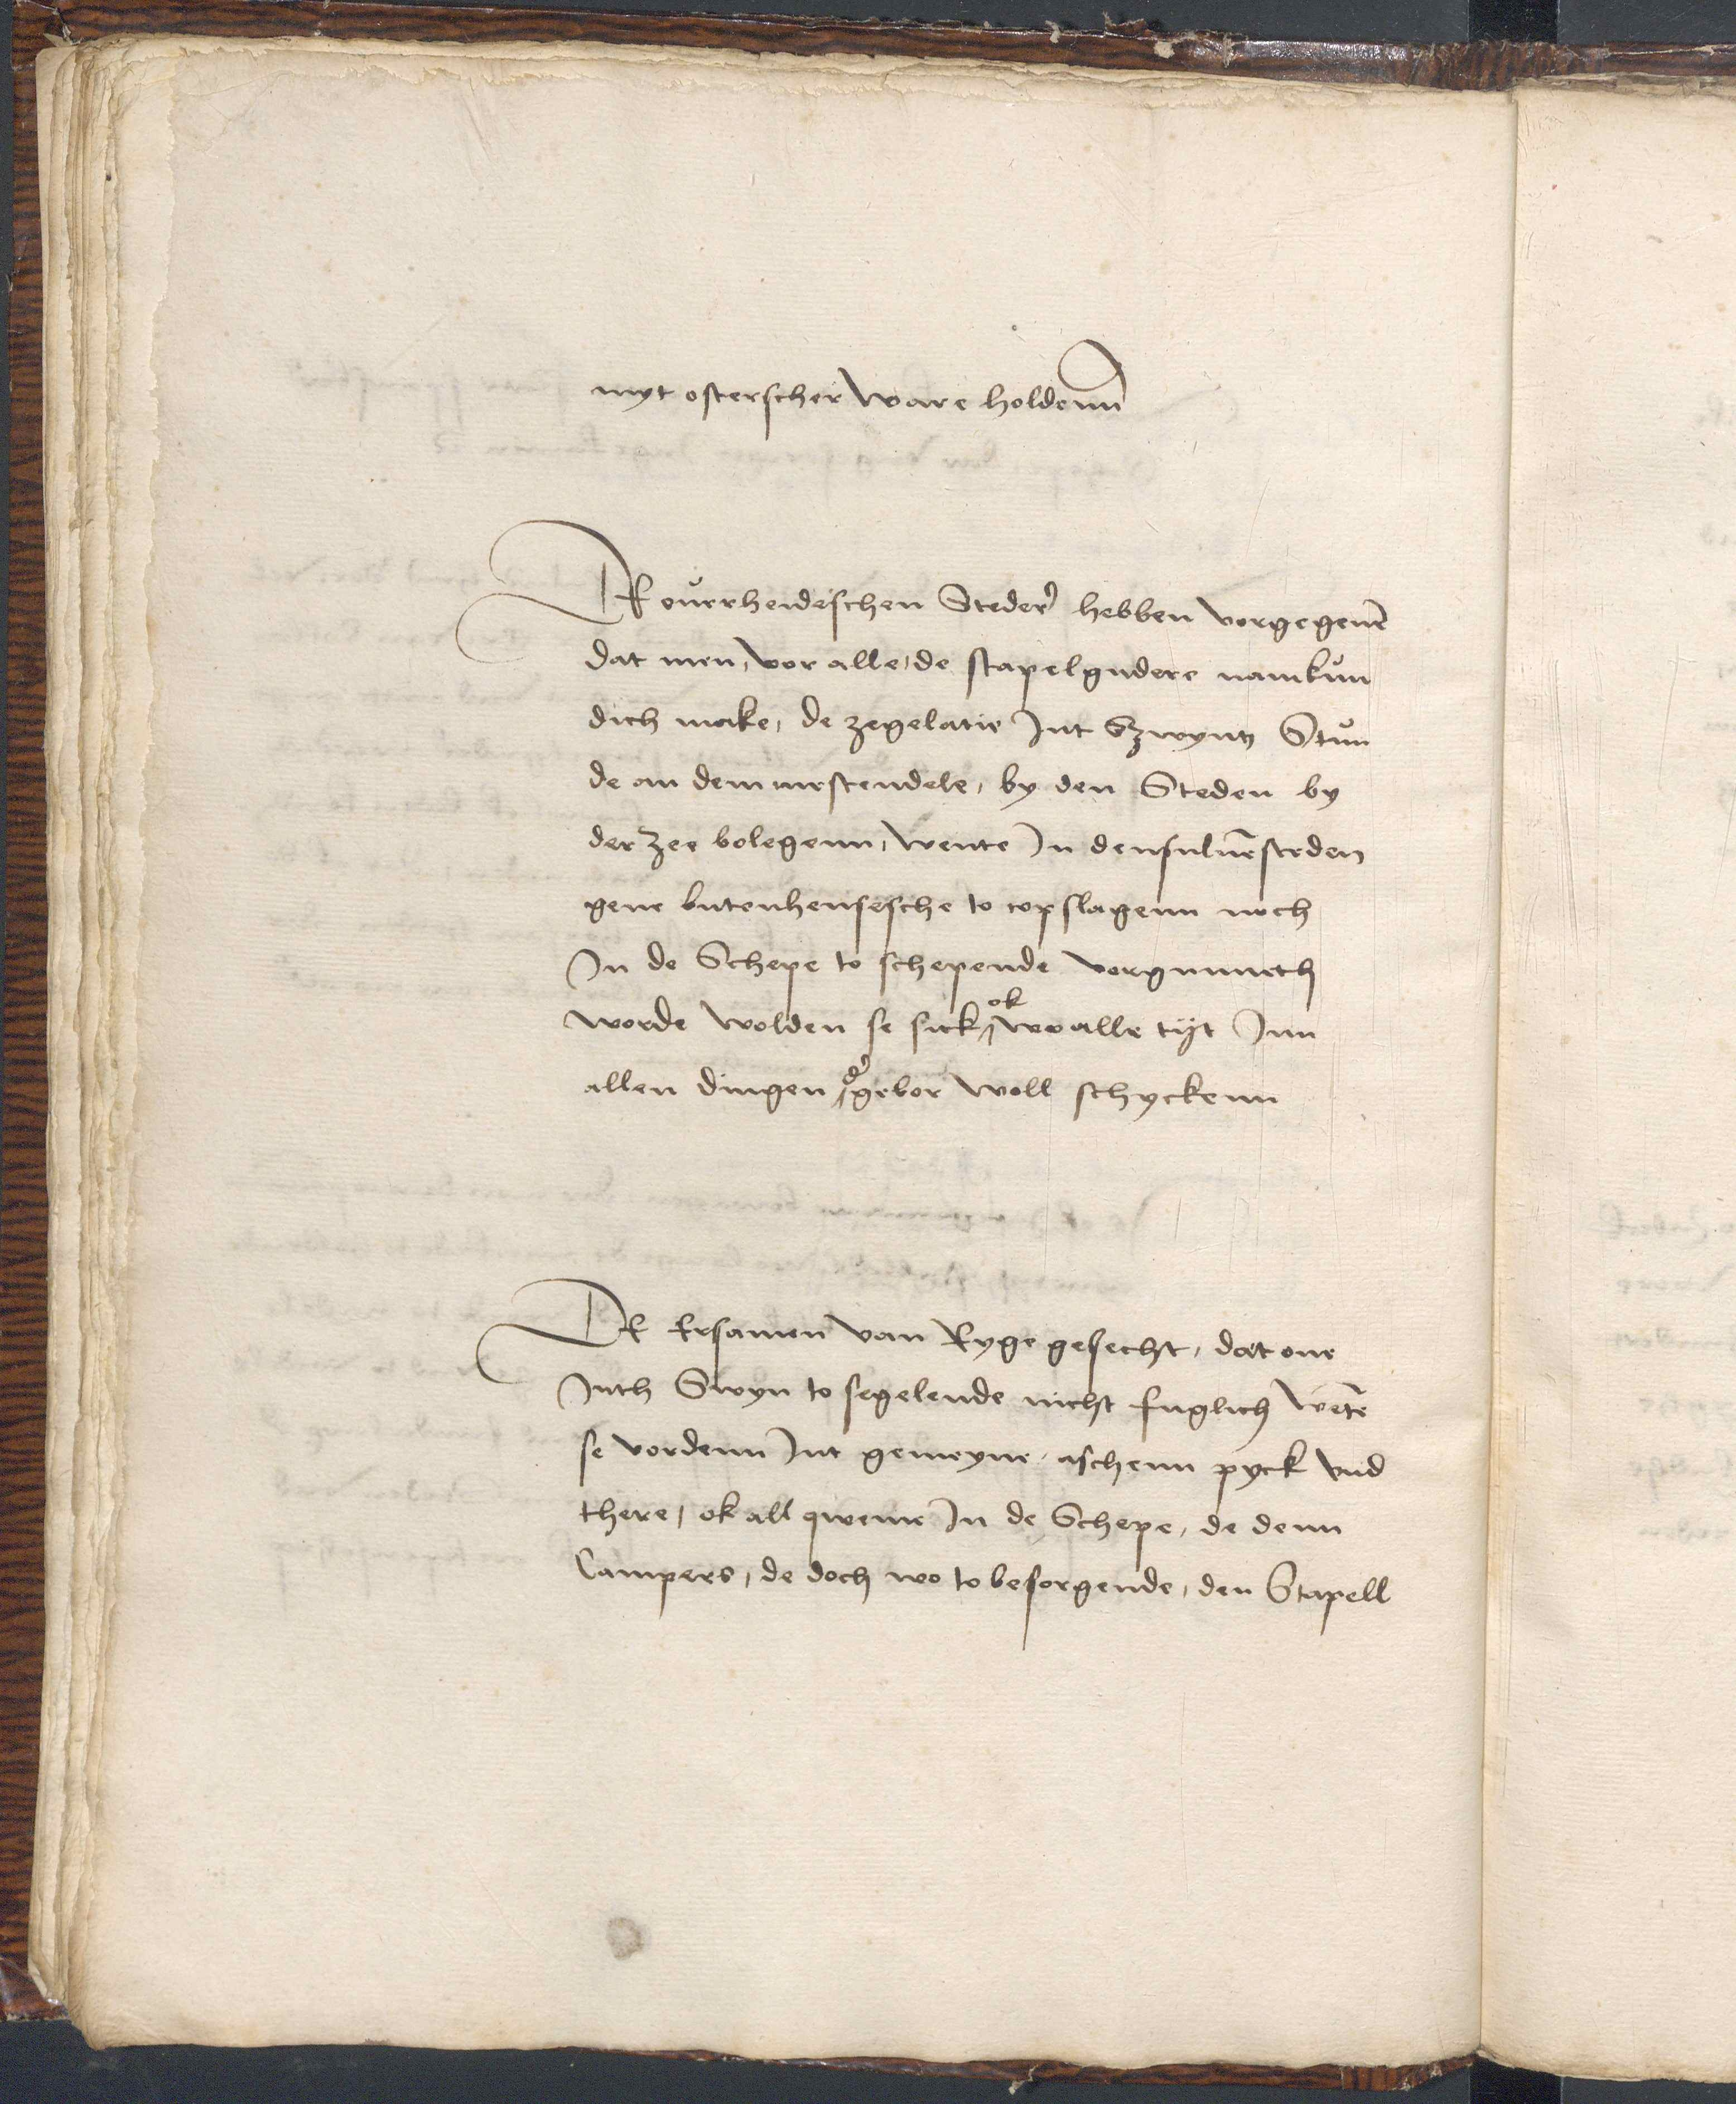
myt osterscher ware holdenn
De ouerheideschen Steder hebben vorgegeuen
dat men, vor alle, de stapelguder namkun¬
dich make, de zegelatie Jnt Szwyne Stun¬
de an dem mestendele, by den Steden by
der zee bolegenn, wente Jn densuluen steden
gene butenhensesche to copslagenn noch
Jn de Schepe to schepende vorgunneth
worde wolden se sick ok wo alle tijt Jnn
allen dingen der gebor woll schyckenn
De Ersamen van Ryge gesecht, dat one
Jnth Swyn to segelnde nicht fuglich went
se vordenn Jnt gemeyne aschenn pyck vnd
there, ok all qweme Jn den Schepe, de denn
Campers, de doch wo to besorgende, den Stapell
